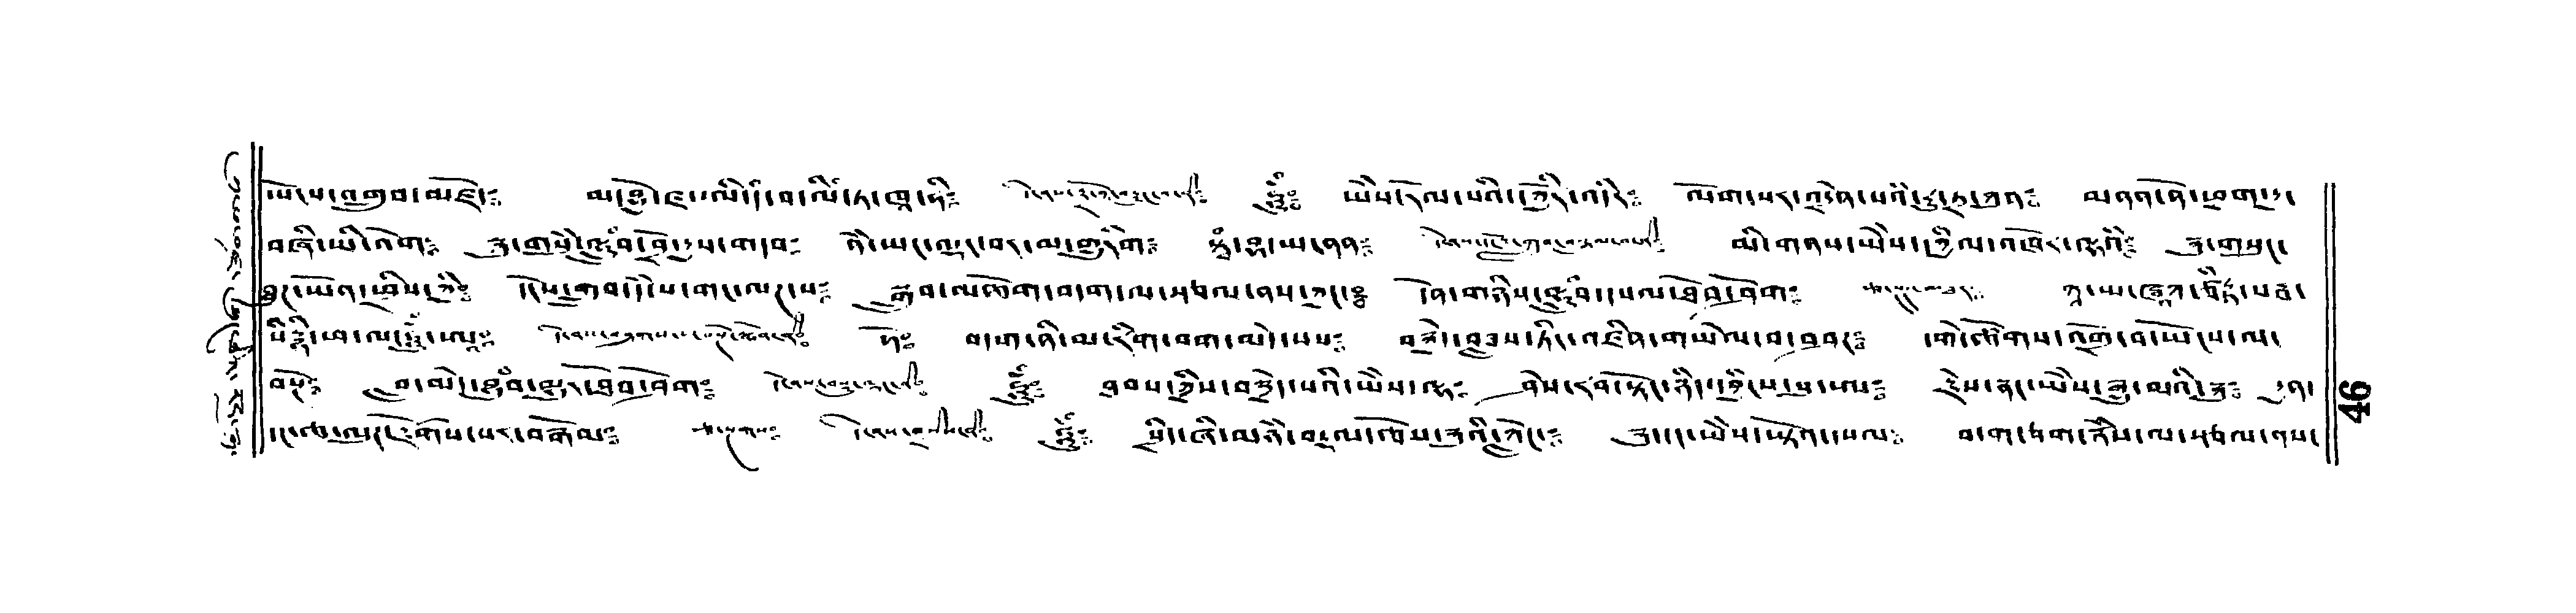ཡོངས་འགྲུབ་མཛོད༔ མ་བྷྱོ་ཛ་ཨི་དཾ་བ་ལིཾ་ཏ་ཁཱ་ཧི༔ དེ་ནས་རྟ་བྲོ་བརྡུང་བ་ནི༔ ཧཱུྃ༔ ཡེ་ཤེས་རོལ་པའི་དཀྱིལ་འཁོར་འདིར༔ ལོག་པར་འདྲེན་པའི་རུ་ཏྲ་ཀུན༔ མནན་ནོ་ཕྱག་རྒྱ་
བཞི་ཡི་འོག༔ སྐུ་གསུམ་ལྷུན་གྲུབ་བྲོ་རྒྱས་གདབ༔ ནམ་ཡང་ལྡང་བར་མ་གྱུར་ཅིག༔ སྟྭཾ་བྷ་ཡ་ནན༔ དེ་ནས་དངོས་གྲུབ་བསྐུལ་བ་ནི༔ མི་གནས་ཡེ་ཤེས་དཀྱིལ་འཁོར་ལྷའི༔ སྐུ་གསུང་
ཐུགས་ཡོན་ཕྲིན་ལས་ཀྱི༔ དངོས་གྲུབ་དམ་པ་གང་ལགས་པ༔ སྒྲུབ་མཆོག་བདག་ལ་བསྩལ་ནས་ཀྱང༔ དོན་གཉིས་ལྷུན་གྲུབ་དཔལ་ཐོབ་ཤོག༔ རྩ་སྔགས་མཐར༔ ཀཱ་ཡ་ཝཱཀྐ་ཙིཏྟ་སརྦ་
སིདྡྷི་ཕ་ལ་ཧཱུྃ་ཨཱཿ དེ་ནས་བཤགས་པ་བསྔོ་སྨོན་ནི༔ ཧོཿ བདག་ནི་མ་རིག་བག་མེད་པས༔ བསྐྱེད་བཟླས་ཏིང་འཛིན་གཡེལ་བ་བཤགས༔ དགེ་ཚོགས་འགྲོ་བ་ཡོངས་ལ་
བསྔོ༔ བླ་མེད་བྱང་ཆུབ་མྱུར་ཐོབ་ཤོག༔ དེ་ནས་བསྡུ་ལྡང་ནི༔ ཧཱུྃ༔ ཐབས་ཀྱིས་བསྐྱེད་པའི་ཡེ་ཤེས་ལྷ༔ ཤེས་རབ་སྟོང་ཉིད་དབྱིངས་སུ་ཨཱཿ རྗེས་སྣང་ཡེ་ཤེས་སྒྱུ་མའི་སྐུ༔ རྒྱན་
དང་ཆ་ལུགས་རྫོགས་པར་བསྒོམ༔རྩ་སྔགས༔ དེ་ནས་བཀྲ་ཤིས་ནི༔ ཧཱུྃ༔ སྲིད་ཞི་མཉམ་བརྡལ་ཆོས་སྐུའི་ཀློང༔ སྐུ་དང་ཡེ་ཤེས་ཡོན་ཏན་དཔལ༔ བདག་ཅག་རྣམས་ལ་བསྩལ་ནས་